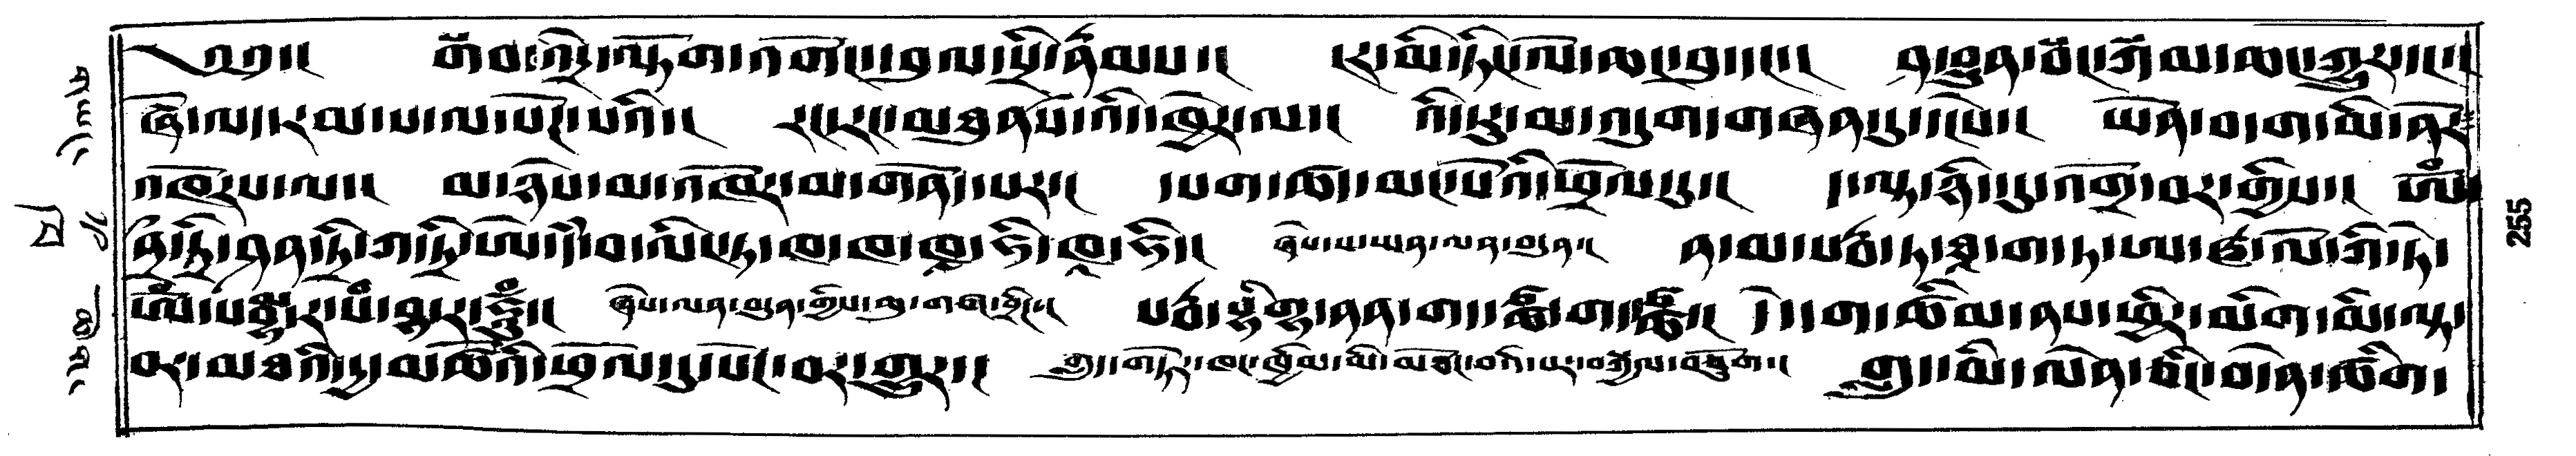སྒབ་འདྲེ་ལྟོག་འགོང་དབུལ་སྲི་རྣམས། །ངར་མི་ཏིང་ལོ་ཆང་བུ་དང་། །ཤ་བྷུན་སྦང་མ་ཆང་རྐྱར་དང་། །
ཞོ་ལད་རམ་པ་ལ་སོགས་པའི། །རང་རང་མཐུན་ནས་འདི་ཁྱེར་ལ། །འདི་རུ་མ་འདུག་གཞན་དུ་དེངས། །ཡོན་བདག་མི་ནོར་
འཁོར་བཅས་ལ། །མ་ཉེས་མ་འཁོར་མ་གནོད་པར། །དཔག་ཚད་མང་པོའི་ཕོ་རོལ་དུ། །ད་ལྟ་ཉིད་དུ་འགྲོ་བར་གྱིས། ཨོཾ་
ནྲྀ་ཏྲི་ཤན་ཏྲི་ཀ་ཏྲི་ཨེ་དམ་བ་ལིང་ཏ་ཁ་ཁ་ཁཱ་ཧི་ཁཱ་ཧི། ཞེས་པ་ཡན་ལན་བདུན། ན་མ་སརྦ་ཏ་ཐཱ་ག་ཏ་ཨ་ཝ་ལོ་ཀི་ཏེ་། 
ཨོཾ་སམྦྷ་ར་སཾ་བྷ་ར་ཧཱུྃ། ཞེས་ལན་བདུན་གྱིས་ཆུ་གཙང་བྲེང། སརྦ་བྷིགྷ་ནན་གད་ཙྪ་གད་ཙྪ། དེ་དག་ཚིམ་ནས་ཕྱིར་མིག་མི་ལྟ་
བར་མཐའི་རྒྱ་མཚོའི་ཕ་རཽལ་དུ་སོང་བར་གྱུར། གླུད་གཏོར་ཁང་ཁྱིམ་མི་མཐོང་བའི་སར་བསྐྱལ་བཅུག གླུད་མི་ལེན་ཅིང་བདེན་ཚིག་